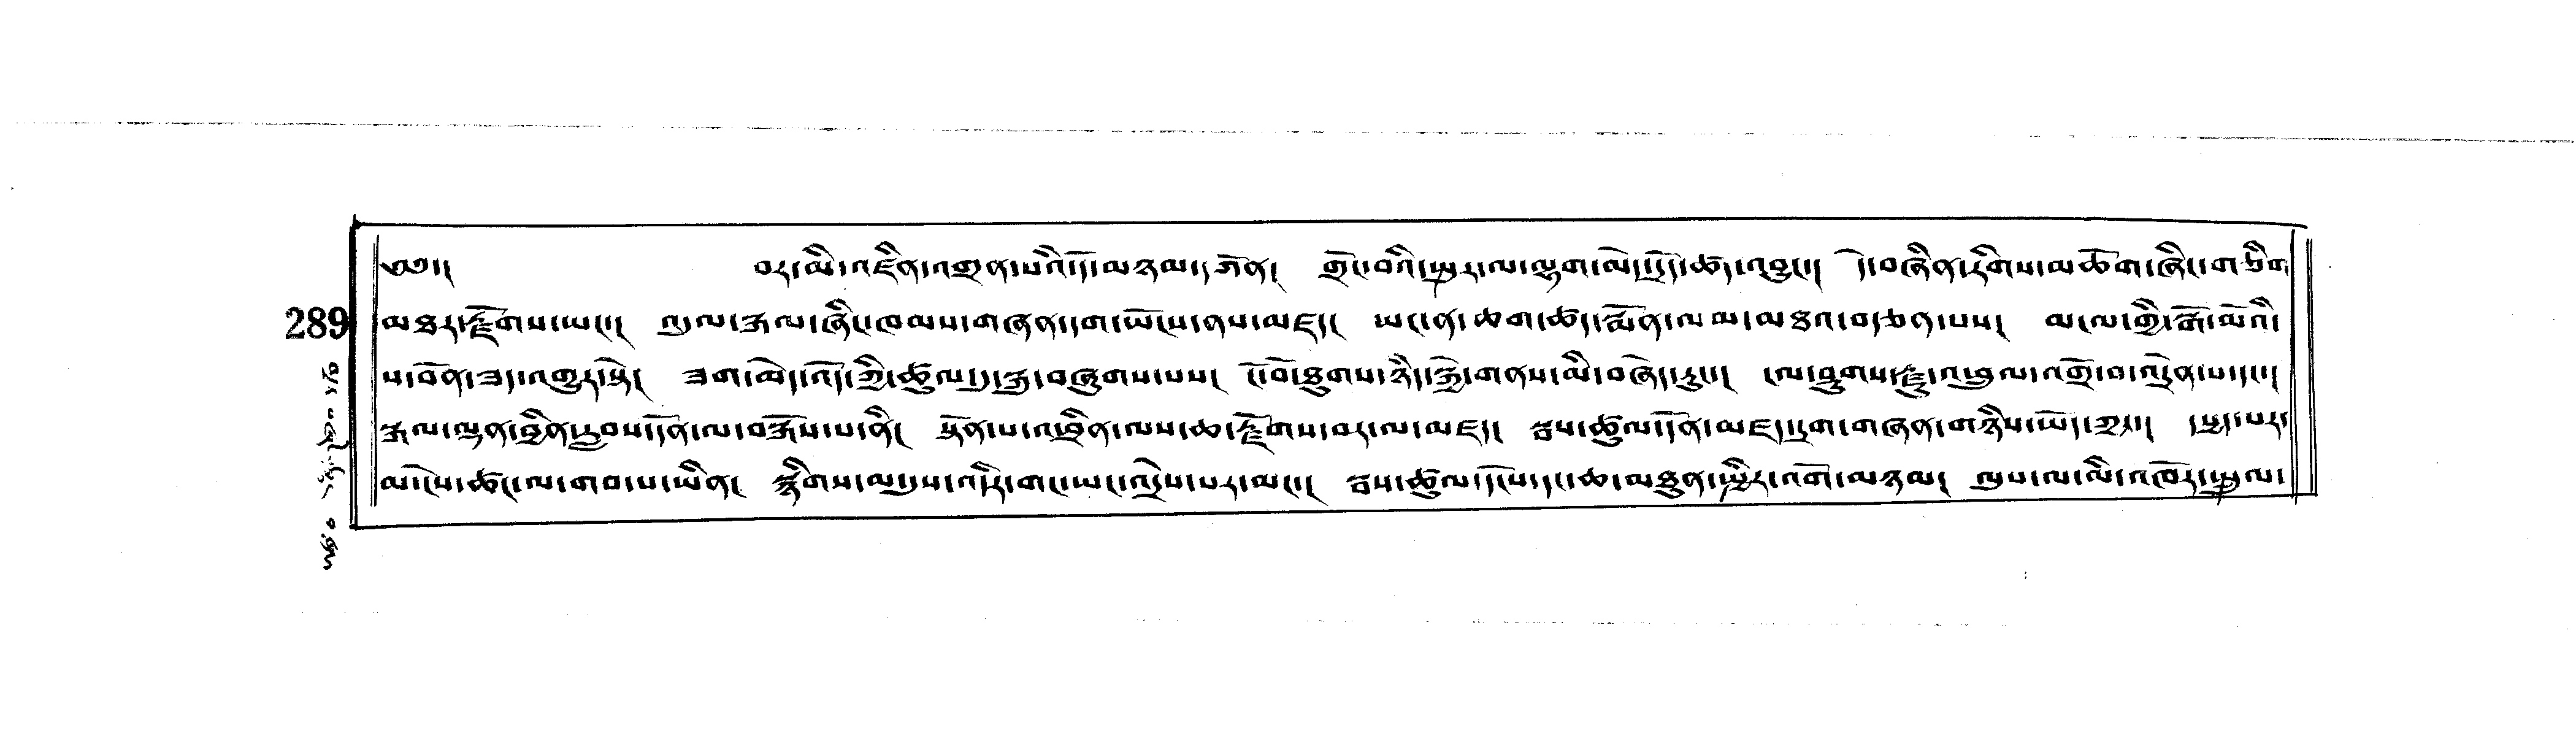བར་མི་འཛིན་འགྲན་པའི་དོ་མཉམ་དཀོན། གྲོངས་པའི་སྤུར་ལ་ལྷག་མེད་དྲོད་ཚད་འབྱུང་། དེ་བཞིན་རིགས་མཆོག་ཞིང་གཅིག་
མཐར་རྫོགས་ཡང་། འདུལ་སྐལ་ཞིང་ཁམས་གཞན་དག་ཡོངས་ནས་མཛད། ཡང་ན་ཆག་ཚད་སྨོན་ལམ་མཐའ་བརྩན་པས། མངལ་གྱི་སྒོ་མོའི་
ས་བོན་ཟད་འགྱུར་ཏེ། ཟག་མེད་འོད་ཀྱི་ཚུལ་དུ་སྐུ་བཞུགས་པས། ངོ་བོ་ཐུགས་ཉིད་སྐྱེ་གནས་མི་བཞེད་རུང་། ངལ་ཤུགས་རྫུ་འཕྲུལ་འགྲོ་བ་འདྲེན་པ་དང་། 
སྐལ་ལྡན་བྱིན་རླབས་དོན་ལ་བསྐོས་པ་ནི། སྟོན་པ་འཕྲིན་ལས་ཆ་རྫོགས་བར་ལ་མཛད། སྦས་ཚུལ་དོན་མཛད་དྲག་ཞན་གཉིས་ཡོད་ཀྱང་། དཔྱད་པར་
མ་ངེས་ཚང་ལ་གབ་པ་ཡིན། སྙིགས་མ་དུས་འདིར་གང་ཡང་འདྲེས་པར་མང་། སྦས་ཚུལ་དངོས་དང་ཆ་མཐུན་སྤྱིར་འགོ་མཉམ། ལུས་ལ་མི་འཁོར་སྤྲུལ་